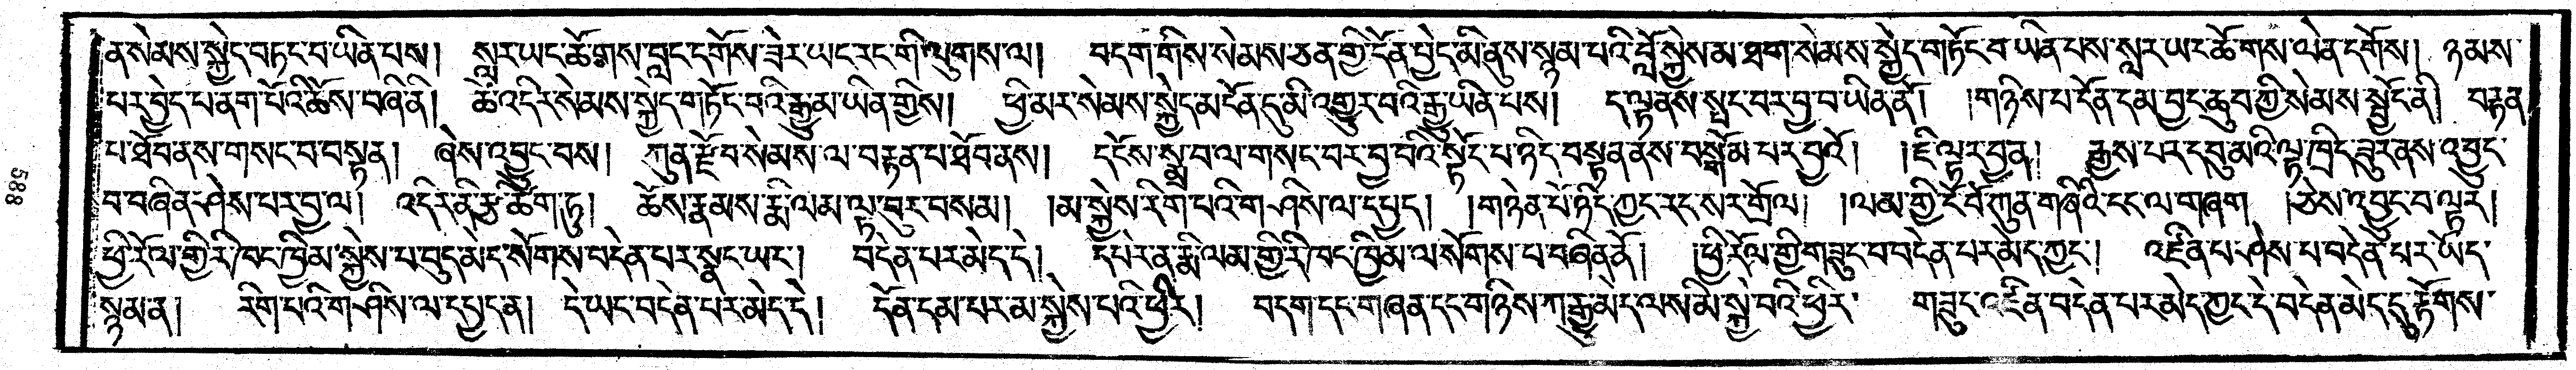ན་སེམས་སྐྱེད་བཏང་བ་ཡིན་པས། སླར་ཡང་ཆོ་གས་བླང་དགོས་ཟེར་ཡང་རང་གི་ལུགས་ལ། བདག་གིས་སེམས་ཅན་གྱི་དོན་བྱེད་མི་ནུས་སྙམ་པའི་བློ་སྐྱེས་མ་ཐག་སེམས་སྐྱེད་གཏོང་བ་ཡིན་པས་སླར་ཡང་ཆོ་གས་ལེན་དགོས། ཉམས་
པར་བྱེད་པ་ནག་པོའི་ཆོས་བཞི་ནི། ཚེ་འདིར་སེམས་སྐྱེད་གཏོང་བའི་རྒྱུ་མ་ཡིན་གྱིས། ཕྱི་མར་སེམས་སྐྱེད་མངོན་དུ་མི་འགྱུར་བའི་རྒྱུ་ཡིན་པས། ད་ལྟ་ནས་སྤང་བར་བྱ་བ་ཡིན་ནོ། །གཉིས་པ་དོན་དམ་བྱང་ཆུབ་ཀྱི་སེམས་སྦྱོང་ནི། བརྟན་
པ་ཐོབ་ནས་གསང་བ་བསྟན། ཞེས་འབྱུང་བས། ཀུན་རྫོབ་སེམས་ལ་བརྟན་པ་ཐོབ་ནས། དངོས་སྨྲ་བ་ལ་གསང་བར་བྱ་བའི་སྟོང་པ་ཉིད་བསྟན་ནས་བསྒོམ་པར་བྱའོ། །ཇི་ལྟར་བྱ་ན། རྒྱས་པར་དབུ་མའི་ལྟ་ཁྲིད་ཟུར་ནས་འབྱུང་
བ་བཞིན་ཤེས་པར་བྱ་ལ། འདིར་ནི་རྩ་ཚིག་ཏུ། ཆོས་རྣམས་རྨི་ལམ་ལྟ་བུར་བསམ། །མ་སྐྱེས་རིག་པའི་གཤིས་ལ་དཔྱད། །གཉེན་པོ་ཉིད་ཀྱང་རང་སར་གྲོལ། །ལམ་གྱི་ངོ་བོ་ཀུན་གཞིའི་ངང་ལ་གཞག །ཅེས་འབྱུང་བ་ལྟར།
ཕྱི་རོལ་གྱི་རི་ཁང་ཁྱིམ་སྐྱེས་པ་བུད་མེད་སོགས་བདེན་པར་སྣང་ཡང་། བདེན་པར་མེད་དེ། དཔེར་ན་རྨི་ལམ་གྱི་རི་ཁང་ཁྱིམ་ལ་སོགས་པ་བཞིན་ནོ། །ཕྱི་རོལ་གྱི་གཟུང་བ་བདེན་པར་མེད་ཀྱང་། འཛིན་པ་ཤེས་པ་བདེན་པར་ཡོད་
སྙམ་ན། རིག་པའི་གཤིས་ལ་དཔྱད་ན། དེ་ཡང་བདེན་པར་མེད་དེ། དོན་དམ་པར་མ་སྐྱེས་པའི་ཕྱིར། བདག་དང་གཞན་དང་གཉིས་ཀ་རྒྱུ་མེད་ལས་མི་སྐྱེ་བའི་ཕྱིར། གཟུང་འཛིན་བདེན་པར་མེད་ཀྱང་དེ་བདེན་མེད་དུ་རྟོགས་